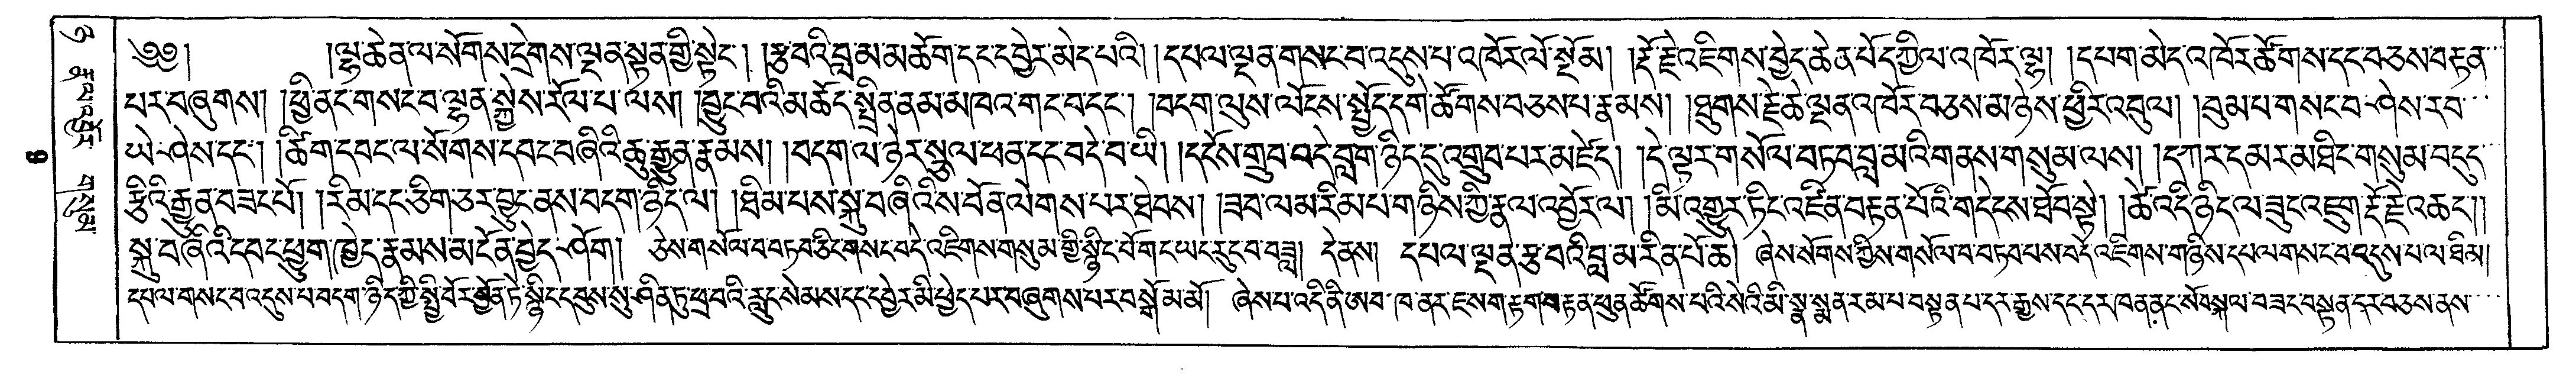༄༅། །ལྷ་ཆེན་ལ་སོགས་དྲེགས་ལྡན་སྟན་གྱི་སྟེང་། །རྩ་བའི་བླ་མ་མཆོག་དང་དབྱེར་མེད་པའི། །དཔལ་ལྡན་གསང་བ་འདུས་པ་འཁོར་ལོ་སྡོམ། །རྡོ་རྗེ་འཇིགས་བྱེད་ཆེན་པོ་དཀྱིལ་འཁོར་ལྷ། །དཔག་མེད་འཁོར་ཚོགས་དང་བཅས་བརྟན་
པར་བཞུགས། །ཕྱི་ནང་གསང་བ་ལྷན་སྐྱེས་རོལ་པ་ལས། །བྱུང་བའི་མཆོད་སྤྲིན་ནམ་མཁའ་གང་བ་དང་། །བདག་ལུས་ལོངས་སྤྱོད་དགེ་ཚོགས་བཅས་པ་རྣམས། །ཐུགས་རྗེ་ཆེ་ལྡན་འཁོར་བཅས་མཉེས་ཕྱིར་འབུལ། །བུམ་པ་གསང་བ་ཤེས་རབ་
ཡེ་ཤེས་དང་། །ཚིག་དབང་ལ་སོགས་དབང་བཞིའི་ཆུ་རྒྱུན་རྣམས། །བདག་ལ་ཉེར་སྩལ་ཕན་དང་བདེ་བ་ཡི། །དངོས་གྲུབ་བདེ་བླག་ཉིད་དུ་འགྲུབ་པར་མཛེད། །དེ་ལྟར་གསོལ་བཏབ་བླ་མའི་གནས་གསུམ་ལས། །དཀར་དམར་མཐིང་གསུམ་བདུད་
རྩིའི་རྒྱུན་བཟང་པོ། །རིམ་དང་ཅིག་ཅར་བྱུང་ནས་བདག་ཉིད་ལ། །ཐིམ་པས་སྐུ་བཞིའི་ས་བོན་ལེགས་པར་ཐེབས། །ཟབ་ལམ་རིམ་པ་གཉིས་ཀྱི་རྣལ་འབྱོར་ལ། །མི་འགྱུར་ཏིང་འཛིན་བརྟན་པོའི་གདེངས་ཐོབ་སྟེ། །ཚེ་འདི་ཉིད་ལ་ཟུང་འཇུག་རྡོ་རྗེ་འཆང།།
སྐུ་བཞིའི་དབང་ཕྱུག་ཁྱེད་རྣམས་མངོན་བྱེད་ཤོག། ཅེས་གསོལ་བ་བཏབ་ཅིང་གསང་བདེ་འཇིགས་གསུམ་གྱི་སྙིང་པོ་གང་ཡང་རུང་བ་བཟླ།  དེ་ནས། དཔལ་ལྡན་རྩ་བའི་བླ་མ་རིན་པོ་ཆེ། ཞེས་སོགས་ཀྱིས་གསོལ་བ་བཏབ་པས་བདེ་འཇིགས་གཉིས་དཔལ་གསང་བ་འདུས་པ་ལ་ཐིམ།
དཔལ་གསང་བ་འདུས་པ་བདག་ཉིད་ཀྱི་སྤྱི་བོར་བྱོན་ཏེ་སྙིང་དབུས་སུ་ཤིན་ཏུ་ཕྲ་བའི་རླུང་སེམས་དང་དབྱེར་མི་ཕྱེད་པར་བཞུགས་པར་བསྒོམ་མོ། ཞེས་པ་འདི་ནི་ཨ་པ་ཁ་ནར་ཇ་སག་རྟག་བརྟན་ཕུན་ཚོགས་པའི་སེའི་མི་སྣ་སྨན་རམ་པ་བསྟན་པ་དར་རྒྱས་དང་དར་ཁན་ནང་སོ་བསྐལ་བཟང་བསྟན་དར་བཅས་ནས་